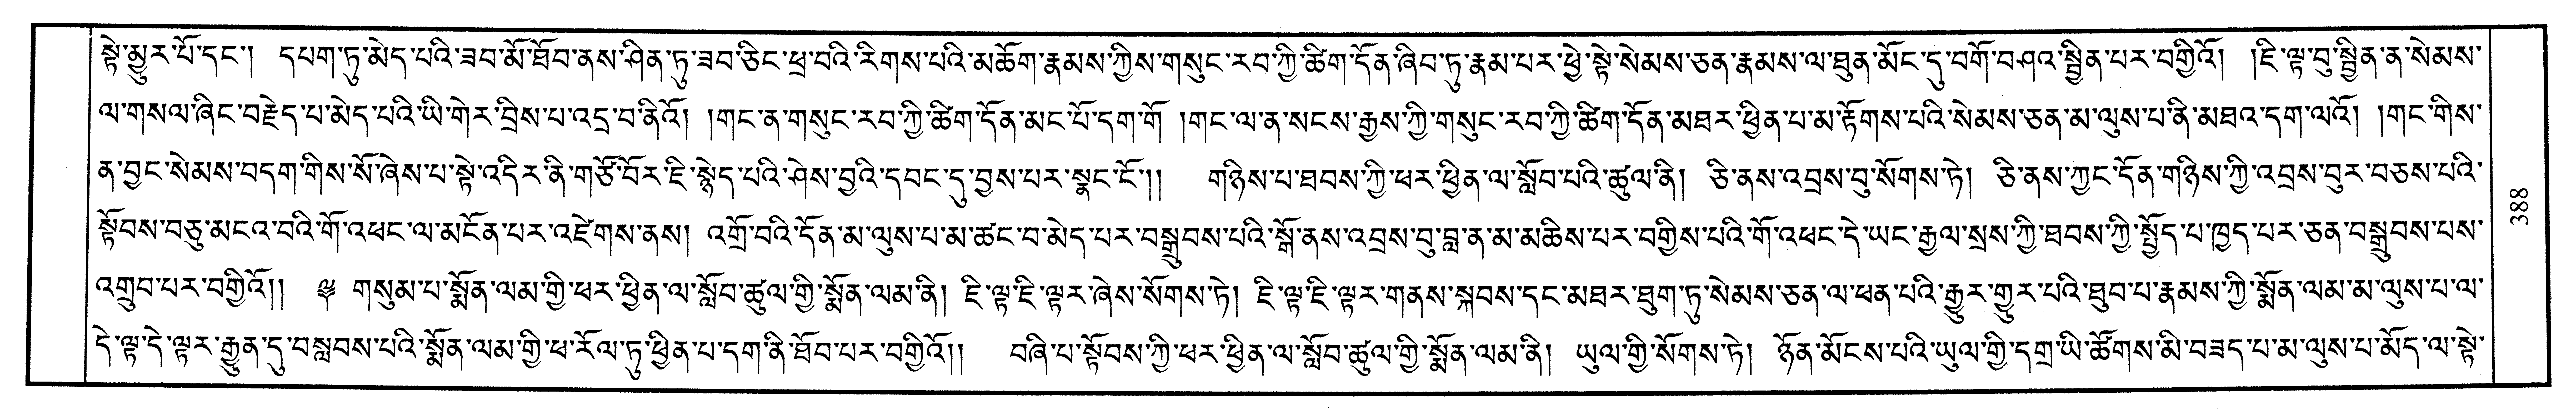སྟེ་མྱུར་པོ་དང་། དཔག་ཏུ་མེད་པའི་ཟབ་མོ་ཐོབ་ནས་ཤིན་ཏུ་ཟབ་ཅིང་ཕྲ་བའི་རིགས་པའི་མཆོག་རྣམས་ཀྱིས་གསུང་རབ་ཀྱི་ཚིག་དོན་ཞིབ་ཏུ་རྣམ་པར་ཕྱེ་སྟེ་སེམས་ཅན་རྣམས་ལ་ཐུན་མོང་དུ་བགོ་བཤའ་སྦྱིན་པར་བགྱིའོ། །ཇི་ལྟ་བུ་སྦྱིན་ན་སེམས་
ལ་གསལ་ཞིང་བརྗེད་པ་མེད་པའི་ཡི་གེར་བྲིས་པ་འདྲ་བ་ནིའོ། །གང་ན་གསུང་རབ་ཀྱི་ཚིག་དོན་མང་པོ་དག་གོ །གང་ལ་ན་སངས་རྒྱས་ཀྱི་གསུང་རབ་ཀྱི་ཚིག་དོན་མཐར་ཕྱིན་པ་མ་རྟོགས་པའི་སེམས་ཅན་མ་ལུས་པ་ནི་མཐའ་དག་ལའོ། །གང་གིས་
ན་བྱང་སེམས་བདག་གིས་སོ་ཞེས་པ་སྟེ་འདིར་ནི་གཙོ་བོར་ཇི་སྙེད་པའི་ཤེས་བྱའི་དབང་དུ་བྱས་པར་སྣང་ངོ།། གཉིས་པ་ཐབས་ཀྱི་ཕར་ཕྱིན་ལ་སློབ་པའི་ཚུལ་ནི། ཅི་ནས་འབྲས་བུ་སོགས་ཏེ། ཅི་ནས་ཀྱང་དོན་གཉིས་ཀྱི་འབྲས་བུར་བཅས་པའི་
སྟོབས་བཅུ་མངའ་བའི་གོ་འཕང་ལ་མངོན་པར་འཛེགས་ནས། འགྲོ་བའི་དོན་མ་ལུས་པ་མ་ཚང་བ་མེད་པར་བསྒྲུབས་པའི་སྒོ་ནས་འབྲས་བུ་བླ་ན་མ་མཆིས་པར་བགྱིས་པའི་གོ་འཕང་དེ་ཡང་རྒྱལ་སྲས་ཀྱི་ཐབས་ཀྱི་སྤྱོད་པ་ཁྱད་པར་ཅན་བསྒྲུབས་པས་
འགྲུབ་པར་བགྱིའོ།། ༈ གསུམ་པ་སྨོན་ལམ་གྱི་ཕར་ཕྱིན་ལ་སློབ་ཚུལ་གྱི་སྨོན་ལམ་ནི། ཇི་ལྟ་ཇི་ལྟར་ཞེས་སོགས་ཏེ། ཇི་ལྟ་ཇི་ལྟར་གནས་སྐབས་དང་མཐར་ཐུག་ཏུ་སེམས་ཅན་ལ་ཕན་པའི་རྒྱུར་གྱུར་པའི་ཐུབ་པ་རྣམས་ཀྱི་སྨོན་ལམ་མ་ལུས་པ་ལ་
དེ་ལྟ་དེ་ལྟར་རྒྱུན་དུ་བསླབས་པའི་སྨོན་ལམ་གྱི་ཕ་རོལ་ཏུ་ཕྱིན་པ་དག་ནི་ཐོབ་པར་བགྱིའོ།། བཞི་པ་སྟོབས་ཀྱི་ཕར་ཕྱིན་ལ་སློབ་ཚུལ་གྱི་སྨོན་ལམ་ནི། ཡུལ་གྱི་སོགས་ཏེ། ཉོན་མོངས་པའི་ཡུལ་གྱི་དགྲ་ཡི་ཚོགས་མི་བཟད་པ་མ་ལུས་པ་མོད་ལ་སྟེ་